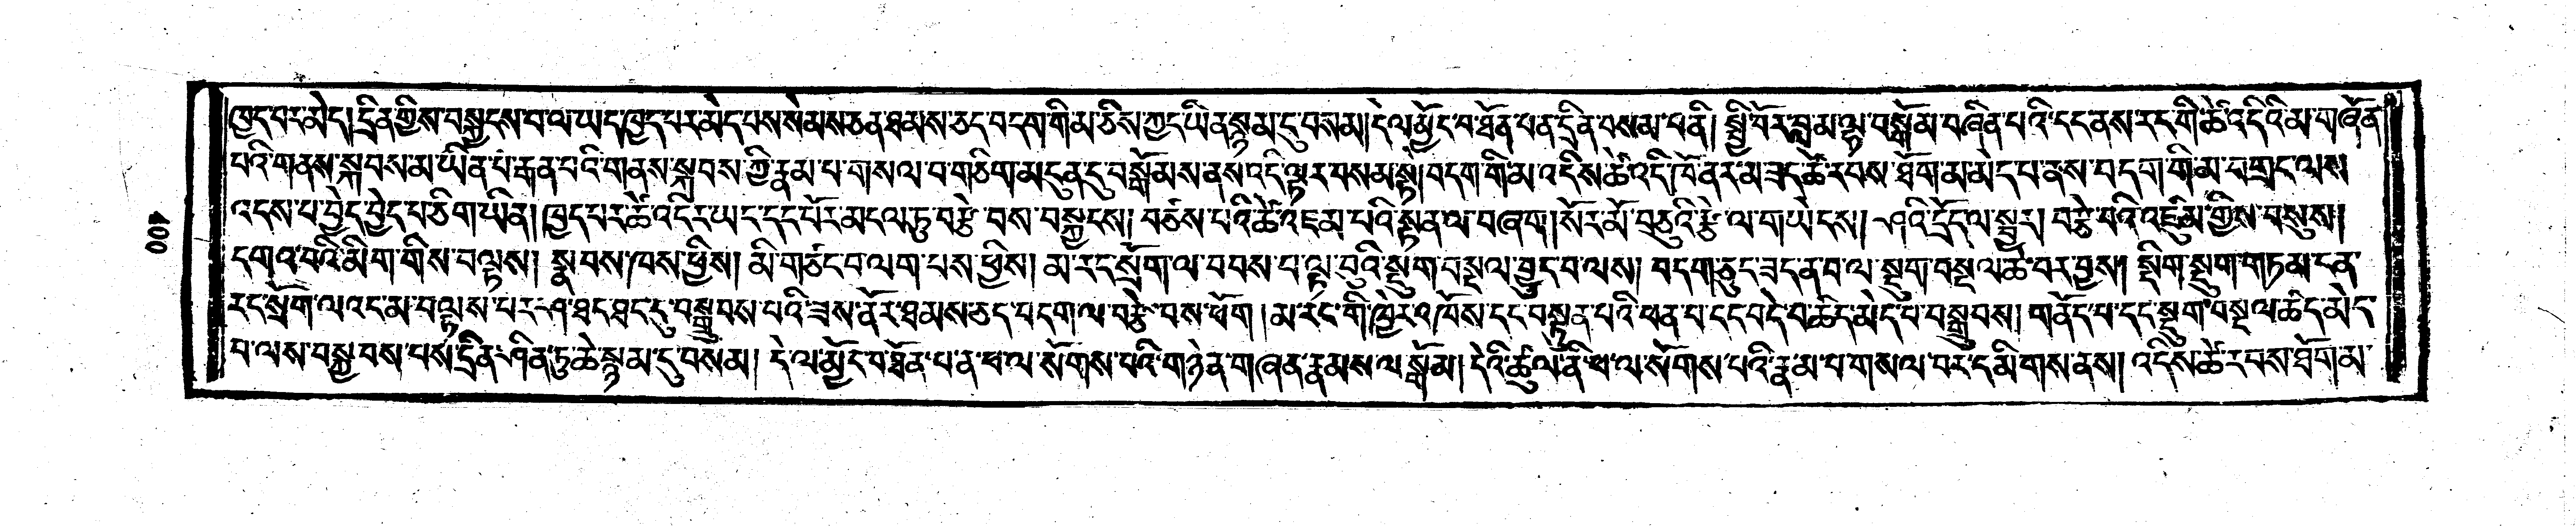ཁྱད་པར་མེད། དྲིན་གྱིས་བསྐྱངས་པ་ལ་ཡང་ཁྱད་པར་མེད་པས་སེམས་ཅན་ཐམས་ཅད་བདག་གི་མ་ཅིས་ཀྱང་ཡིན་སྙམ་དུ་བསམ། དེ་ལ་མྱོང་བ་ཐོན་པ་ན་དྲིན་བསམ་པ་ནི། སྤྱི་བོར་བླ་མ་ལྷ་བསྒོམ་བཞིན་པའི་ངང་ནས་རང་གི་ཚེ་འདིའི་མ་གཞོན་
པའི་གནས་སྐབས་མ་ཡིན་པ་རྒན་པའི་གནས་སྐབས་ཀྱི་རྣམ་པ་གསལ་བ་གཅིག་མདུན་དུ་བསྒོམས་ནས་འདི་ལྟར་བསམ་སྟེ། བདག་གི་མ་འདིས་ཚེ་འདི་ཁོ་ནར་མ་ཟད་ཚེ་རབས་ཐོག་མ་མེད་པ་ནས་བདག་གི་མ་བགྲང་ལས་
འདས་པ་བྱེད་བྱེད་པ་ཅིག་ཡིན། ཁྱད་པར་ཚེ་འདིར་ཡང་དང་པོར་མངལ་ཏུ་བརྩེ་བས་བསྐྱངས། བཙས་པའི་ཚེ་འཇམ་པའི་སྟན་ལ་བཞག །སོར་མོ་བཅུའི་རྩེ་ལ་གཡེངས། ཤའི་དྲོད་ལ་སྦྱར། བརྩེ་བའི་འཛུམ་གྱིས་བསུས།
དགའ་བའི་མིག་གིས་བལྟས། སྣབས་ཁས་ཕྱིས། མི་གཙང་བ་ལག་པས་ཕྱིས། མ་རང་སྲོག་ལ་བབས་པ་ལྟ་བུའི་སྡུག་བསྔལ་བྱུང་བ་ལས། བདག་ཅུང་ཟད་ན་པ་ལ་སྡུག་བསྔལ་ཆེ་བར་བྱས། སྡིག་སྡུག་གཏམ་ངན་
རང་སྲོག་ལའང་མ་བལྟས་པར་ཤ་ཐང་ཐང་དུ་བསྒྲུབས་པའི་ཟས་ནོར་ཐམས་ཅད་བདག་ལ་བརྩེ་བས་ཕོག །མ་རང་གི་ཁྱེར་འཁོས་དང་བསྟུན་པའི་ཕན་པ་དང་བདེ་བ་ཚད་མེད་པ་བསྒྲུབས། གནོད་པ་དང་སྡུག་བསྔལ་ཚད་མེད་
པ་ལས་བསྐྱབས་པས་དྲིན་ཤིན་ཏུ་ཆེ་སྙམ་དུ་བསམ། དེ་ལ་མྱོང་བ་ཐོན་པ་ན་ཕ་ལ་སོགས་པའི་གཉེན་གཞན་རྣམས་ལ་སྒོམ། དེའི་ཚུལ་ནི་ཕ་ལ་སོགས་པའི་རྣམ་པ་གསལ་བར་དམིགས་ནས། འདིས་ཚེ་རབས་ཐོག་མ་